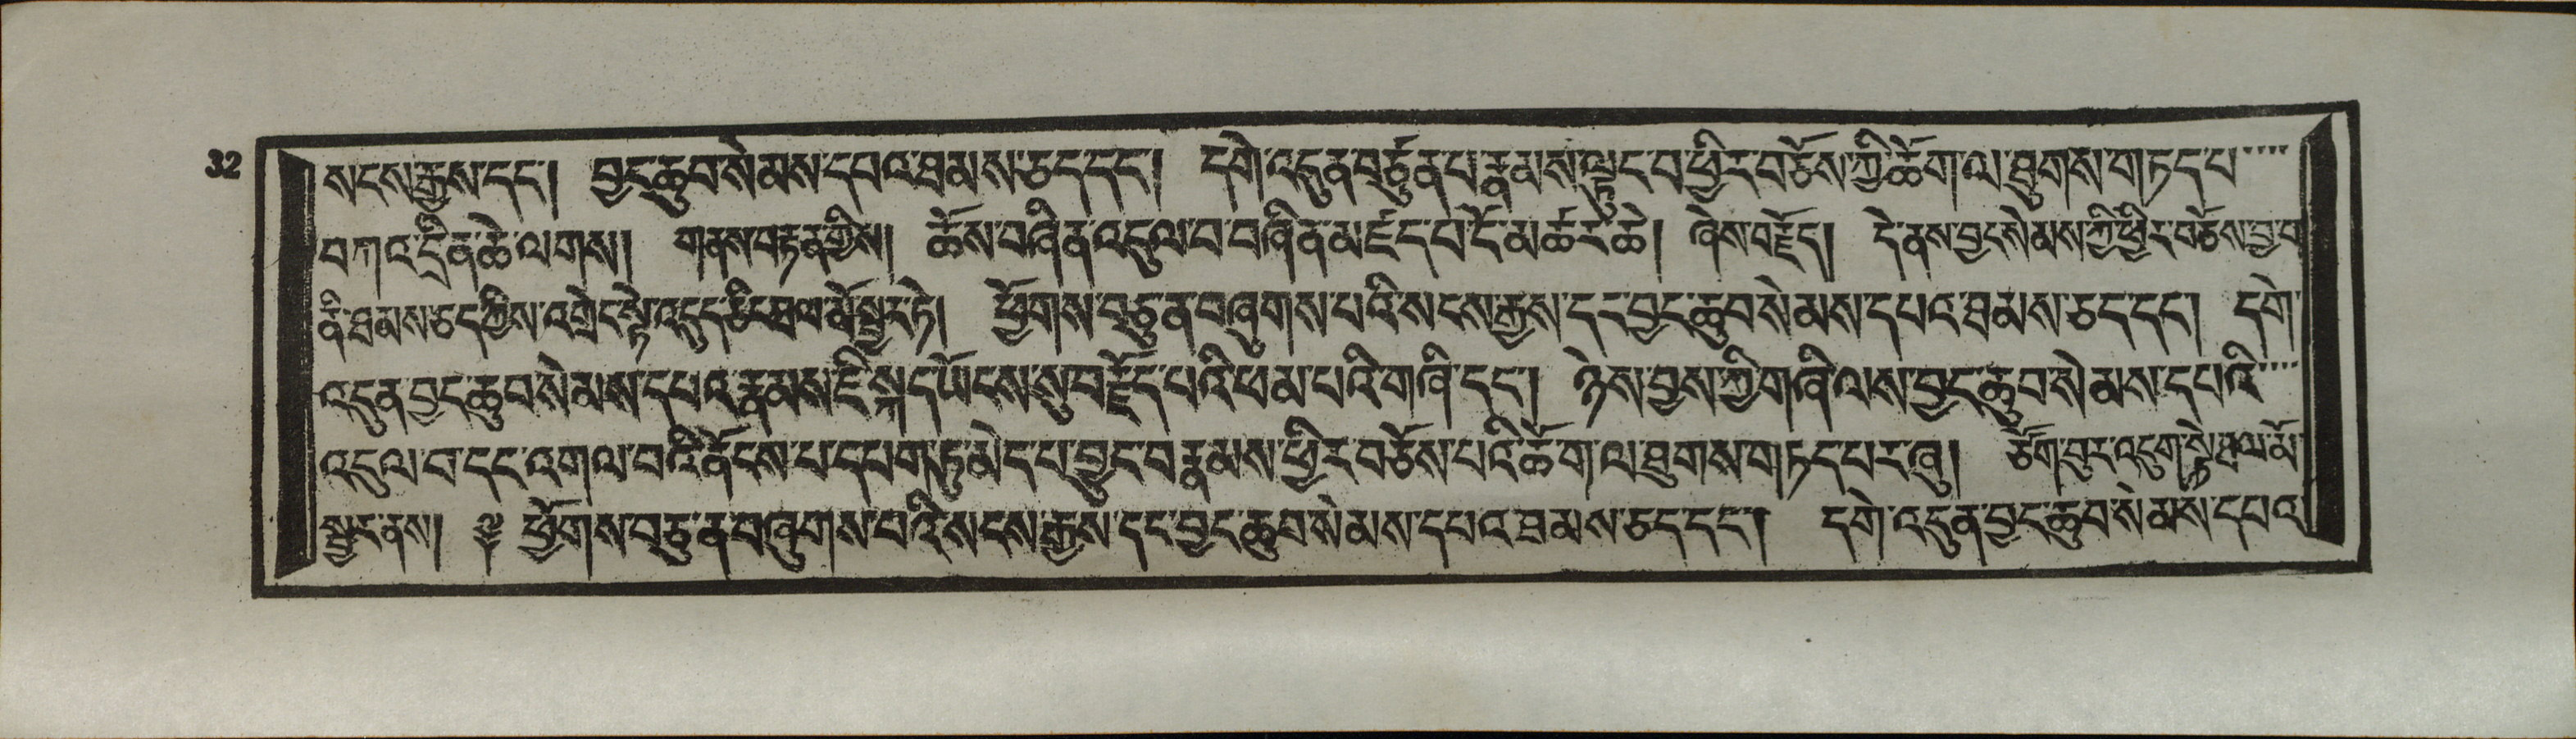སངས་རྒྱས་དང་། བྱང་ཆུབ་སེམས་དཔའ་ཐམས་ཅད་དང་། དགེ་འདུན་བཙུན་པ་རྣམས་ལྟུང་བ་ཕྱིར་བཅོས་ཀྱི་ཆོ་ག་ལ་ཐུགས་གཏད་པ་
བཀའ་དྲིན་ཆེ་ལགས། གནས་བརྟན་གྱིས།  ཆོས་བཞིན་འདུལ་བ་བཞིན་མཛད་པ་ངོ་མཚར་ཆེ། ཞེས་བརྗོད། དེ་ནས་བྱང་སེམས་ཀྱི་ཕྱིར་བཅོས་བྱ་བ་
ནི་ཐམས་ཅད་ཀྱིས་འགྲེང་སྟེ་འདུད་ཅིང་ཐལ་མོ་སྦྱར་ཏེ། ཕྱོགས་བཅུ་ན་བཞུགས་པའི་སངས་རྒྱས་དང་བྱང་ཆུབ་སེམས་དཔའ་ཐམས་ཅད་དང་། དགེ་
འདུན་བྱང་ཆུབ་སེམས་དཔའ་རྣམས་ཇི་སྐད་ཡོངས་སུ་བརྗོད་པའི་ཕམ་པའི་གཞི་དང་། ཉེས་བྱས་ཀྱི་གཞི་ལས་བྱང་ཆུབ་སེམས་དཔའི་
འདུལ་བ་དང་འགལ་བའི་ནོངས་པ་དཔག་ཏུ་མེད་པ་བྱུང་བ་རྣམས་ཕྱིར་བཅོས་པའི་ཆོ་ག་ལ་ཐུགས་གཏད་པར་ཞུ། ཙོག་བུར་འདུག་སྟེ་ཐལ་མོ་
སྦྱར་ནས། ༈ ཕྱོགས་བཅུ་ན་བཞུགས་པའི་སངས་རྒྱས་དང་བྱང་ཆུབ་སེམས་དཔའ་ཐམས་ཅད་དང་། དགེ་འདུན་བྱང་ཆུབ་སེམས་དཔའ་